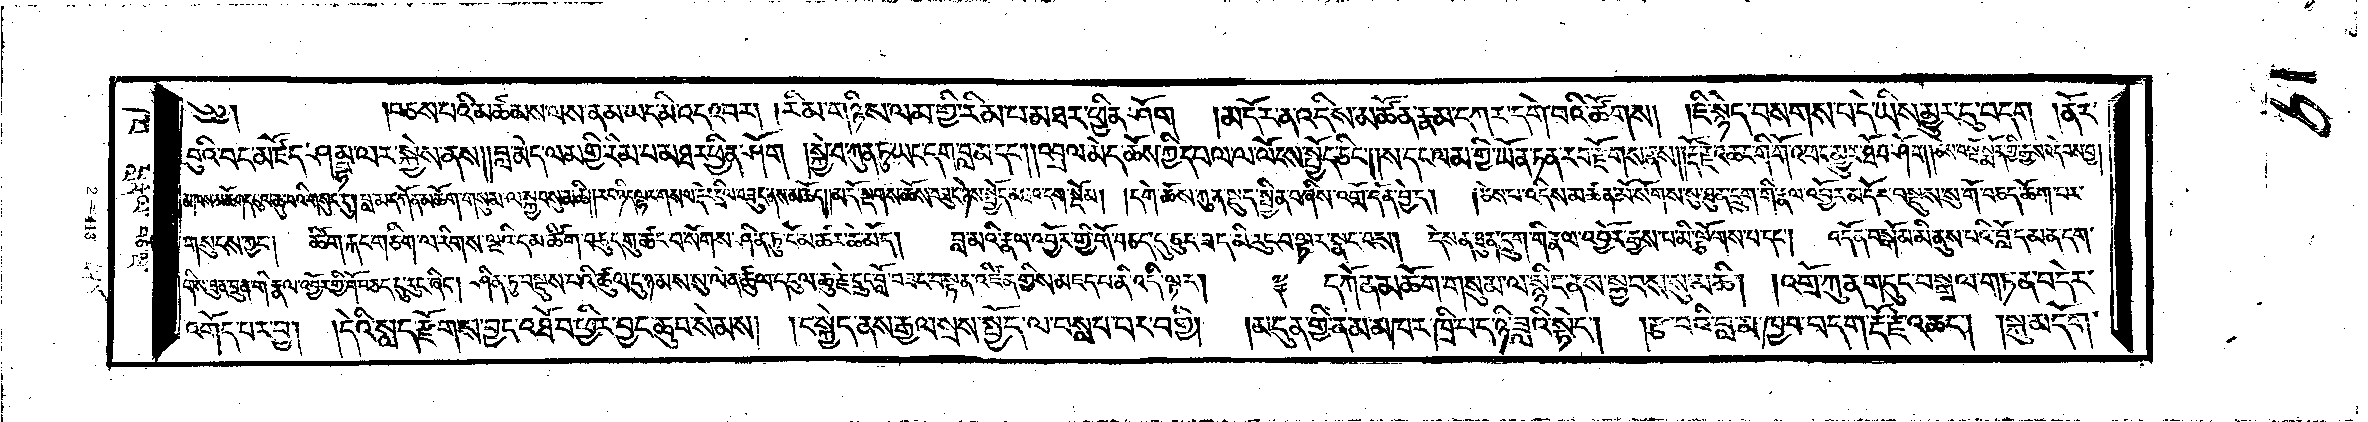༄༅། །བཅས་པའི་མཚམས་ལས་ནམ་ཡང་མི་འདའ་བར། །རིམ་གཉིས་ལམ་གྱི་རིམ་པ་མཐར་ཕྱིན་ཤོག །མདོར་ན་འདིས་མཚོན་རྣམ་དཀར་དགེ་བའི་ཚོགས། །ཇི་སྙེད་བསགས་པ་དེ་ཡིས་མྱུར་དུ་བདག །ནོར་
བུའི་བང་མཛོད་ཤམྦྷ་ལར་སྐྱེས་ནས། །བླ་མེད་ལམ་གྱི་རིམ་པ་མཐར་ཕྱིན་ཤོག །སྐྱེ་བ་ཀུན་ཏུ་ཡང་དག་བླ་མ་དང་། །འབྲལ་མེད་ཆོས་ཀྱི་དཔལ་ལ་ལོངས་སྤྱོད་ཅིང་། །ས་དང་ལམ་གྱི་ཡོན་ཏན་རབ་རྫོགས་ནས། །རྡོ་རྗེ་འཆང་གི་གོ་འཕང་མྱུར་ཐོབ་ཤོག། ཅེས་བསྔོ་སྨོན་གྱི་རྒྱས་འདེབས་བྱ།
མཁས་མཆོག་དངུལ་ཆུ་བའི་གསུང་དུ། བླ་མ་དཀོན་མཆོག་གསུམ་ལ་སྐྱབསུ་མཆི། །རང་ཉིད་ལྟར་གསལ་རྡེར་དྲིལ་བཟུང་ནས་མཆོད། །མདོ་སྔགས་ཆོས་བཟུང་ཉེས་སྤྱོད་མཐའ་དག་སྡོམ། །དགེ་ཆོས་ཀུན་སྡུད་སྦྱིན་བཞིས་འགྲོ་དོན་བྱེད། །ཅེས་པ་འདིས་མཚན་མོ་སོགས་སུ་ཐུན་དྲུག་གི་རྣལ་འབྱོར་མདོར་བསྡུས་སུ་གོ་བཅད་ཆོག་པར་
གསུངས་ཀྱང་། ཚིག་རྐང་གཅིག་ལ་རིགས་ལྔའི་དམ་ཚིག་བཅུ་དགུ་ཚང་བ་སོགས་ཤིན་ཏུ་ངོ་མཚར་ཆེ་མོད། བླ་མའི་རྣལ་འབྱོར་གྱི་གོ་བཅད་དུ་ཅུང་ཟད་མི་རུང་བ་ལྟར་སྣང་བས། དེས་ན་ཐུན་དྲུག་གི་རྣལ་འབྱོར་རྒྱས་པ་མི་ལྕོགས་པ་དང་། འདོན་བསྒོམ་མི་ནུས་པའི་བློ་དམན་དག་
གིས་ཐུན་བྲུན་གི་རྣལ་འབྱོར་གྱི་གོ་བཅད་དུ་རུང་ཞིང་། ཤིན་ཏུ་བསྡུས་པའི་ཚུལ་དུ་ཉམས་སུ་ལེན་ཚུལ་དངུལ་ཆུ་རྗེ་དྲུང་བློ་བཟང་བསྟན་འཛིན་གྱིས་མཛད་པ་ནི་འདི་ལྟར། ༈ དཀོན་མཆོག་གསུམ་ལ་སྙིང་ནས་སྐྱབས་སུ་མཆི། །འགྲོ་ཀུན་གདུང་བསྒྲལ་གཏན་པ་དེར་
འགོད་པར་བྱ། །དེའི་སླད་རྫོགས་བྱང་འཐོབ་ཕྱིར་བྱང་ཆུབ་སེམས། །བསྐྱེད་ནས་རྒྱལ་སྲས་སྤྱོད་ལ་བསླབ་པར་བགྱི། །མདུན་གྱི་ནམ་མཁར་ཁྲི་པད་ཉི་ཟླའི་སྟེང་། །རྩ་བའི་བླ་མ་ཁྱབ་བདག་རྡོ་རྗེ་འཆང་། །སྐུ་མདོག་